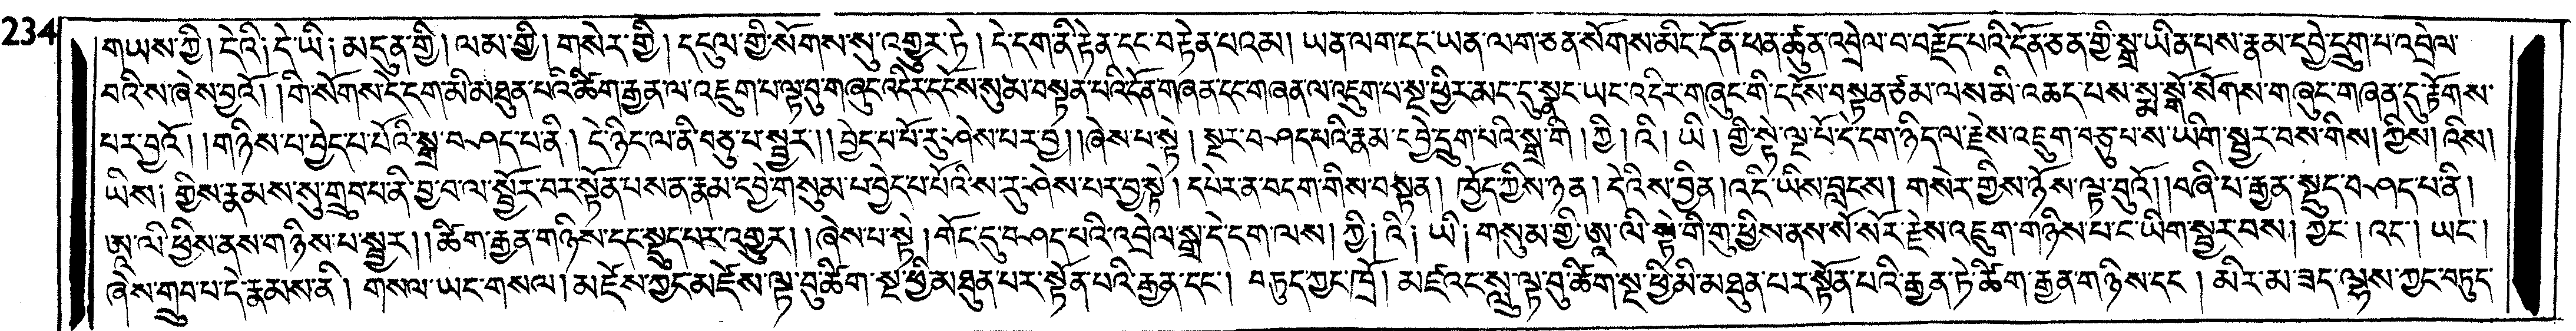གཡས་ཀྱི། དེའི༑ དེ་ཡི༑ མདུན་གྱི། ལམ་གྱི། གསེར་གྱི། དངུལ་གྱི་སོགས་སུ་འགྱུར་ཏེ། དེ་དག་ནི་རྟེན་དང་བརྟེན་པའམ། ཡན་ལག་དང་ཡན་ལག་ཅན་སོགས་མིང་དོན་ཕན་ཚུན་འབྲེལ་བ་བརྗོད་པའི་དོན་ཅན་གྱི་སྒྲ་ཡིན་པས་རྣམ་དབྱེ་དྲུག་པ་འབྲེལ་
བའི་ས་ཞེས་བྱའོ། །གི་སོགས་དེ་དག་མི་མཐུན་པའི་ཚིག་རྒྱན་ལ་འཇུག་པ་ལྟ་བུ་གཞུང་འདིར་དངོས་སུམ་བསྟན་པའི་དོན་གཞན་དང་གཞན་ལ་འཇུག་པ་སྔ་ཕྱིར་མང་དུ་སྣང་ཡང་འདིར་གཞུང་གི་དངོས་བསྟན་ཙམ་ལས་མི་འཆད་པས་སྨ་སྒོ་སོགས་གཞུང་གཞན་དུ་རྟོགས་
པར་བྱའོ། །གཉིས་པ་བྱེད་པ་པོའི་སྒྲ་བཤད་པ་ནི། དེ་ཉིད་ལ་ནི་བཅུ་པ་སྦྱར། །བྱེད་པ་པོ་རུ་ཤེས་པར་བྱ། །ཞེས་པ་སྟེ། སྔར་བཤད་པའི་རྣམ་དབྱེ་དྲུག་པའི་སྒྲ་གི། ཀྱི། འི། ཡི། གྱི་སྟེ་ལྔ་པོ་དེ་དག་ཉིད་ལ་རྗེས་འཇུག་བཅུ་པ་ས་ཡིག་སྦྱར་བས་གིས། ཀྱིས། འིས།
ཡིས༑ གྱིས་རྣམས་སུ་གྲུབ་པ་ནི་བྱ་བ་ལ་སྦྱོར་བར་སྟོན་པས་ན་རྣམ་དབྱེ་གསུམ་པ་བྱེད་པ་པོའི་ས་རུ་ཤེས་པར་བྱ་སྟེ། དཔེར་ན་བདག་གིས་བསྟན། ཁྱོད་ཀྱིས་ཉན། དེའི་ས་བྱིན་།འདི་ཡིས་བླངས། གསེར་གྱིས་ཉོས་ལྟ་བུའོ། །བཞི་པ་རྒྱན་སྡུད་བཤད་པ་ནི།
ཨཱ་ལི་ཕྱིས་ནས་གཉིས་པ་སྦྱར། །ཚིག་རྒྱན་གཉིས་དང་སྡུད་པར་འགྱུར། །ཞེས་པ་སྟེ། གོང་དུ་བཤད་པའི་འབྲེལ་སྒྲ་དེ་དག་ལས། ཀྱི༑ འི༑ ཡི༑ གསུམ་གྱི་ཨཱ་ལི་སྟེ་གི་གུ་ཕྱིས་ནས་སོ་སོར་རྗེས་འཇུག་གཉིས་པ་ང་ཡིག་སྦྱར་བས། ཀྱང་། འང་། ཡང་།
ཞེས་གྲུབ་པ་དེ་རྣམས་ནི། གསལ་ཡང་གསལ། མཛེས་ཀྱང་མཛེས་ལྟ་བུ་ཚིག་སྔ་ཕྱི་མཐུན་པར་སྟོན་པའི་རྒྱན་དང་། བཏུད་ཀྱང་ཁྲོ། མཛའང་སླུ་ལྟ་བུ་ཚིག་སྔ་ཕྱི་མི་མཐུན་པར་སྟོན་པའི་རྒྱན་ཏེ་ཚིག་རྒྱན་གཉིས་དང་། མིར་མ་ཟད་ལྷས་ཀྱང་བཏུད་